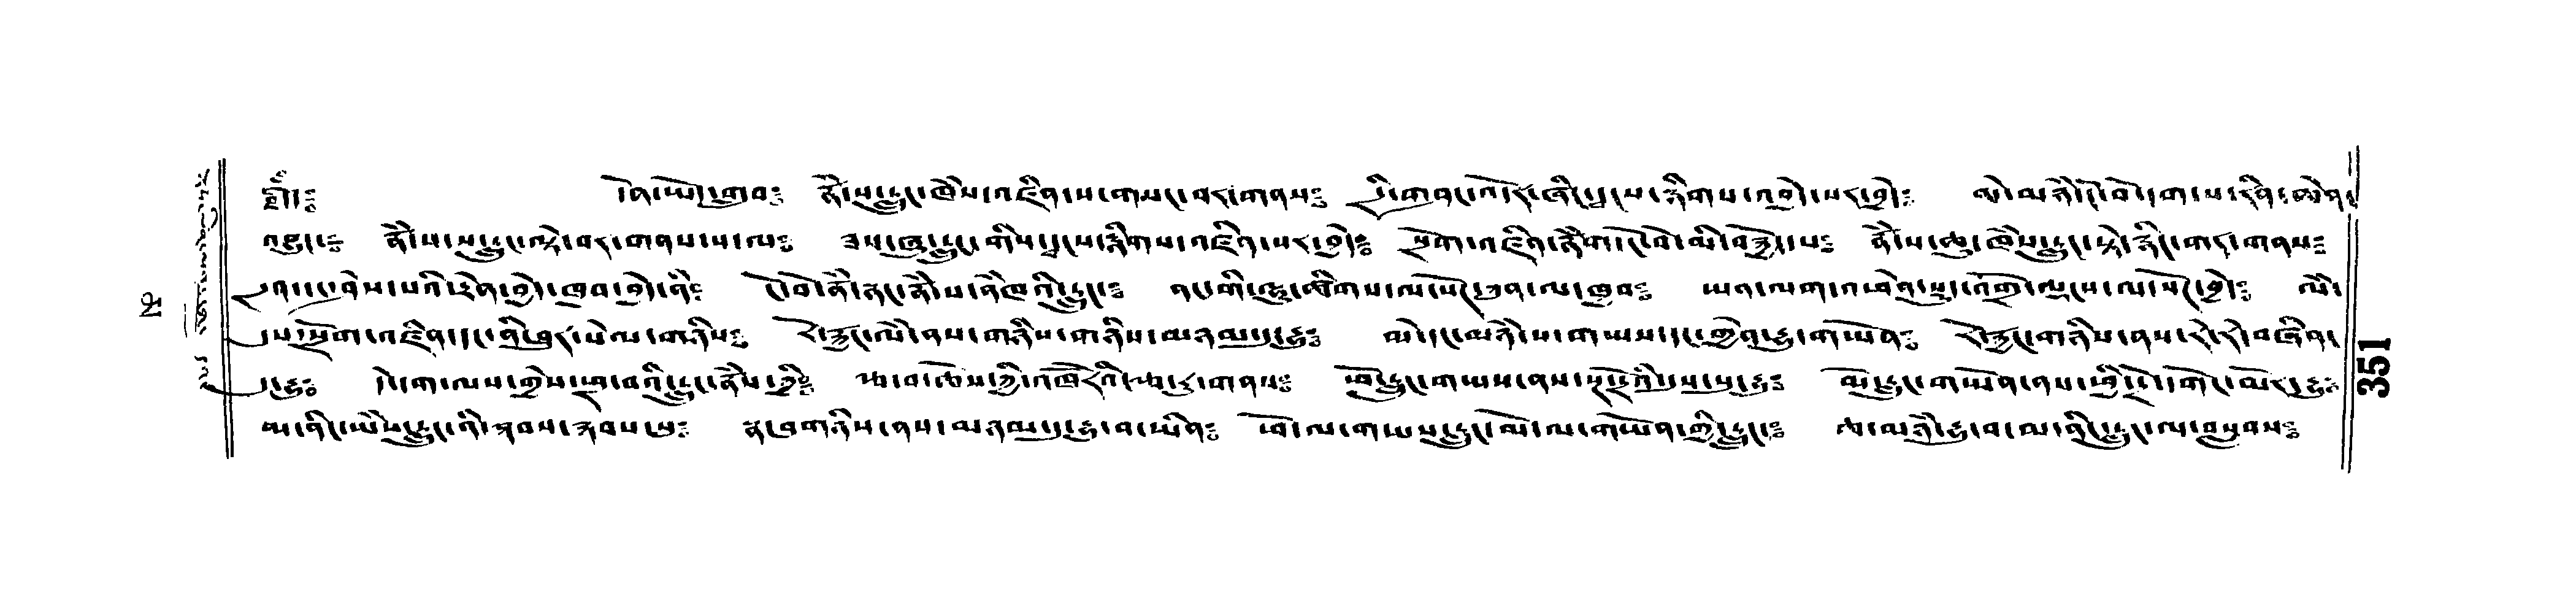དོན་ཡོད་གྲུབ༔ རྣམ་པ་རླུང་ཁམས་འཛིན་པ་གསང་བར་གནས༔ དྲི་གཤང་འདོར་ཞིང་དྭངས་སྙིགས་འབྱེད་པར་བྱེད༔ མེ་མཉམ་ངོ་བོ་དག་པ་རིན་ཆེན་
འབྱུང༔ རྣམ་པས་རླུང་ལྟེ་བར་གནས་པ་ལ༔ ཟས་ཞུ་རླུང་གིས་དྭངས་སྙིགས་འཛིན་པར་བྱེད༔ སྲོག་འཛིན་རྣམ་དག་ངོ་བོ་མི་བསྐྱོད་པ༔ རྣམ་པ་ཆུ་ཁམས་རླུང་སྟེ་སྙིང་གར་གནས༔ 
དྲན་དང་ཤེས་པའི་རྟེན་བྱེད་ཁྱབ་བྱེད་ནི༔ ངོ་བོ་རྣམ་སྣང་རྣམ་པ་ནམ་མཁའི་རླུང༔ ནང་གི་ལྷུ་ཚིགས་ལ་སོགས་ཀུན་ལ་ཁྱབ༔ ཡན་ལག་འཕེན་སྡུད་འགྲོ་ལྡང་ལ་སོགས་བྱེད༔ ལམ་
དུས་སྲོག་འཛིན་དང་ནི་ཐུར་སེལ་གཉིས༔ རོ་རྐྱང་ལམ་ནས་གཉིས་གཉིས་མཉམ་དུ་རྒྱུ༔ མེ་དང་མཉམ་པ་གཡས་དང་གྱེན་རྒྱུ་གཡོན༔ རོ་རྐྱང་གཉིས་ནས་རེ་རེ་བཞིན་
དུ་རྒྱུ༔ དེ་དག་ལས་གྱེས་ཕྲ་བའི་རླུང་རྣམས་ཀྱི༔ རྩ་བ་ཆོས་ཀྱི་འཁོར་ལོའི་རྩ་རུ་གནས༔ ཕོ་རླུང་གཡས་ནས་སྔ་དྲོའི་དུས་སུ་རྒྱུ༔ མོ་རླུང་གཡོན་ནས་ཕྱི་དྲོ་དགོང་མོར་རྒྱུ༔ 
མ་ནིང་ཡེ་ཤེས་རླུང་ནི་སྐབས་སྐབས་སུ༔ སྣ་བུག་གཉིས་ནས་མཉམ་དུ་རྒྱུ་བ་ཡིན༔ ཕོ་ལ་གཡས་རླུང་མོ་ལ་གཡོན་གྱི་རླུང༔ ཆ་མཉམ་རྒྱུ་བ་མ་ནིང་རླུང་ལ་བསླབས༔